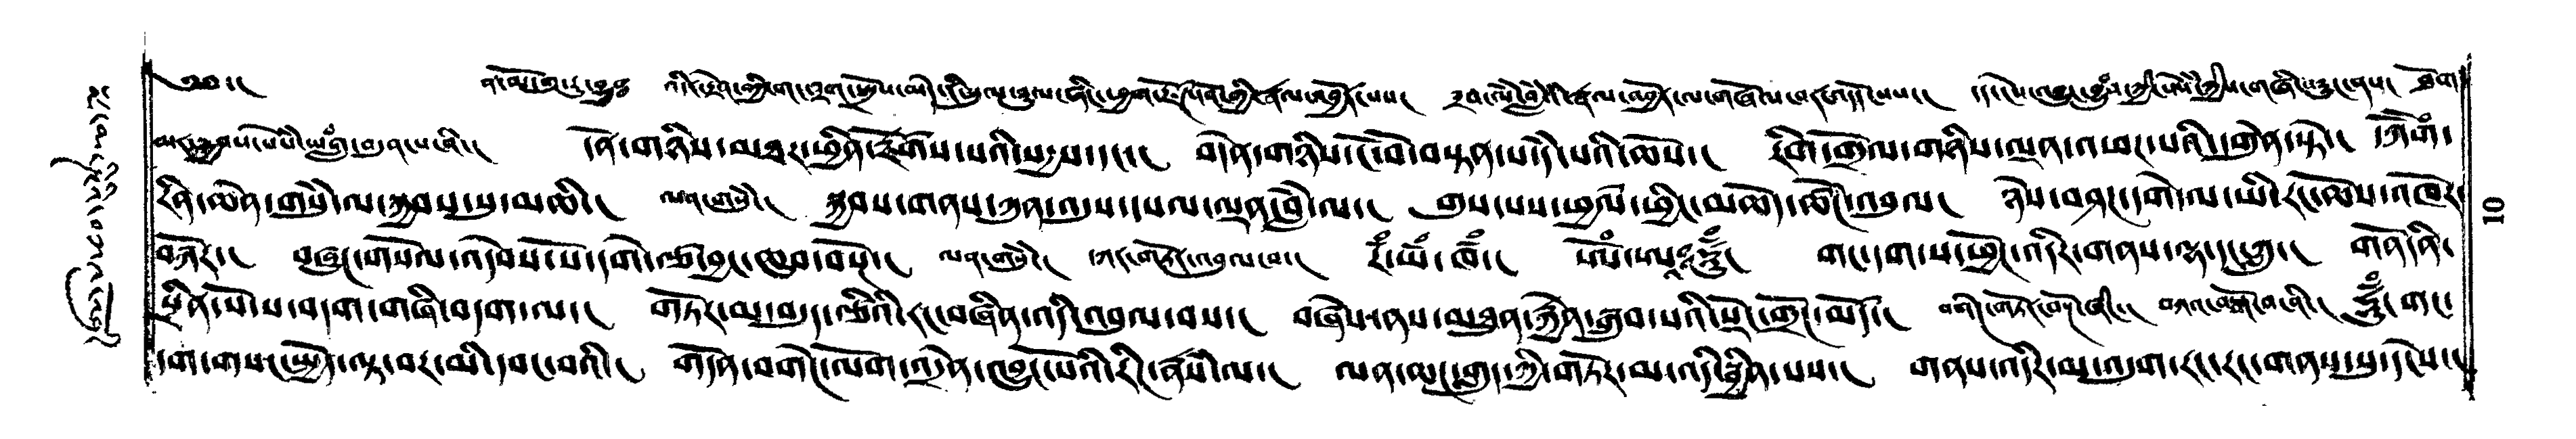ན་མོ་གུ་རུ་བྷྱཿ འདིར་རྟེན་གྱི་གང་ཟག་སྤྲོས་མེད་རི་སུལ་ཉུལ་ཞིང་ཕྱག་རྫོགས་དོན་གྱི་རྣལ་འབྱོར་པས། ཟབ་ལམ་བླ་མའི་རྣལ་འབྱོར་ལ་གཞོལ་བར་འདོད་པས། དད་ངེས་འབྱུང་བྱང་ཆུབ་ཀྱི་སེམས་ཀྱིས་གཞི་བཟུང་ནས། ཐོག་
མར་སྐྱབས་སེམས་ཡན་ལག་བདུན་པ་ནི། དོན་གཉིས་མཐར་ཕྱིན་རྫོགས་པའི་སངས་རྒྱས་དང་། །བདེན་གཉིས་ངོ་བོ་བསྟན་པ་དམ་པའི་ཆོས། །རིག་གྲོལ་གཉིས་ལྡན་འཕགས་པའི་དགེ་འདུན་སྟེ། །དཀོན་མཆོག་
རིན་ཆེན་གསུམ་ལ་སྐྱབས་སུ་མཆི། །ལན་གསུམ། སྐྱབས་གནས་ཀུན་འདུས་དཔལ་ལྡན་བླ་མ་ལ། །གུས་པས་ཕྱག་འཚལ་མཆོད་ཚོགས་འབུལ། །ཉེས་བཤགས་དགེ་ལ་ཡི་རང་ཆོས་འཁོར་
བསྐོར། །བཞུགས་གསོལ་འདེབས་སོ་དགེ་རྩ་བྱང་ཆུབ་བསྔོ། །ལན་གསུམ། དཀར་གཏོར་འབུལ་བ། རྃ་ཡྃ་ཁྃ། ཨོཾ་ཨཱཿཧཱུྃ། གང་དག་ས་ཕྱོགས་འདིར་གནས་ལྷ་དང་ཀླུ། །གནོད་སྦྱིན་
སྲིན་པོ་ས་བདག་གཞི་བདག་ལ། །གཏོར་མ་བདུད་རྩིའི་རང་བཞིན་འདི་འབུལ་བས། །བཞེས་ནས་མཐུན་རྐྱེན་སྒྲུབ་པའི་སྡོང་གྲོགས་མཛོད། །བགེགས་གཏོར་བསྔོ་ཞིང་། བཀའ་བསྒོ་བ་ནི། ཧཱུྃ། གང་
དག་གསང་སྤྱོད་ལྟ་བར་མི་དབང་བའི། །གདོན་བགེགས་ལོག་འདྲེན་འབྱུང་པོའི་རིགས་རྣམས་ལ། །ལན་ཆགས་གླུད་ཀྱི་གཏོར་མ་འདི་སྦྱིན་པས། །གནས་འདིར་མ་འདུག་རང་རང་གནས་སུ་དེངས།